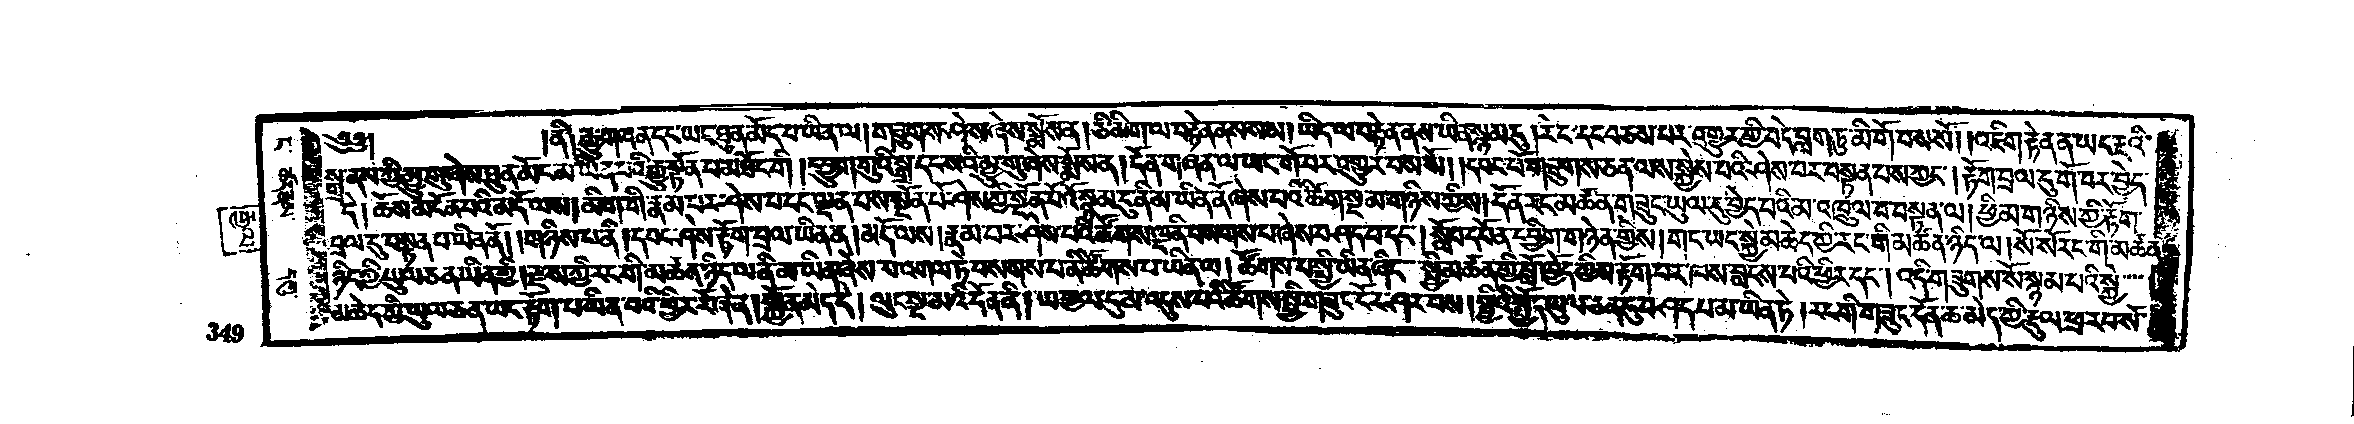༄༅། །ནི། རྒྱུ་གཞན་དང་ཡང་ཐུན་མོང་པ་ཡིན་ལ། གཟུགས་ཤེས་ཞེས་སྨོས་ན། ཅི་མིག་ལ་བརྟེན་ནས་སམ། ཡིད་ལ་བརྟེན་ནས་ཡིན་སྙམ་དུ་རེབ་རང་བཅས་པར་འགྱུར་གྱི་བདེ་བླག་ཏུ་མི་གོ་བས་སོ། །འཇིག་རྟེན་ན་ཡང་རྔའི་
སྒྲ་ནས་ཀྱི་མྱུ་གུ་ཞེས་ཐུན་མོང་མ་ཡིན་པའི་རྒྱུ་སྟོན་པ་མཐོང་གི །དབྱུག་གུའི་སྒྲ་དང་སའི་མྱུ་གུ་ཞེས་སྨོས་ན། དོན་གཞན་ལ་ཡང་གོ་བར་འགྱུར་བས་སོ། །དབང་པོ་གཟུགས་ཅན་ལས་སྐྱེས་པའི་ཤེས་པར་བསྟན་པས་ཀྱང་། རྟོག་བྲལ་དུ་གོ་བར་བྱེད་
དེ། ཆོས་མངོན་པའི་མདོ་ལས། མིག་གི་རྣམ་པར་ཤེས་པ་དང་ལྡན་པས་སྔོན་པོ་ཤེས་ཀྱི་སྔོན་པོའོ་སྙམ་དུ་ནི་མ་ཡིན་ནོ་ཞེས་པའི་ཚིག་སྔ་མ་གཉིས་ཀྱིས། དོན་རང་མཚན་གཟུང་ཡུལ་དུ་བྱེད་པའི་མ་འཁྲུལ་བ་བསྟན་ལ། ཕྱིར་མ་གཉིས་ཀྱི་རྟོག་
བྲལ་དུ་བསྟན་པ་ཡིན་ནོ། །གཉིས་པ་ནི། དབང་ཤེས་རྟོག་བྲལ་ཡིན་ན། མདོ་ལས། རྣམ་པར་ཤེས་པའི་ཚོགས་ལྔ་ནི་བསགས་པ་ཞེས་བཤད་པ་དང་། སློབ་དཔོན་དབྱིག་གཉེན་གྱིས། གང་ཡང་སྐྱེ་མཆེད་ཀྱི་རང་གི་མཚན་ཉིད་ལ། སོ་སོ་རང་གི་མཚན་
ཉིད་ཀྱི་ཡུལ་ཅན་ཡིན་གྱི། རྫས་ཀྱི་རང་གི་མཚན་ཉིད་ལ་ནི་མ་ཡིན་ཞེས་པ་འགལ་ཏེ་བསགས་པ་ནི་ཚོགས་པ་ཡིན་ལ། ཚོགས་པ་སྤྱི་ཡིན་ཞིང་སྤྱི་མཚན་གྱི་བློ་ཁྱོད་ཀྱིས་རྟོག་པར་ཁས་བླངས་པའི་ཕྱིར་དང་། འདི་གཟུགས་སོ་སྙམ་པའི་སྐྱེ་
མཆེད་གྱི་ཡུལ་ཅན་ཡང་རྟོག་པ་ཡིན་པའི་ཕྱིར་རོ་ཞེ་ན། སྐྱོན་མེད་དེ། ལུང་སྔ་མའི་དོན་ནི། ཡ་གྱལ་དུ་མ་འདུས་པའི་ཚོགས་སྤྱི་གཟུང་ངོར་ཤར་བས། སྤྱིའི་སྤྱོད་ཡུལ་ཅན་དུ་བཤད་པ་མ་ཡིན་ཏེ། རང་གི་གཟུང་དོན་ཆ་མེད་ཀྱི་རྡུལ་ཕྲ་རབ་སོ་